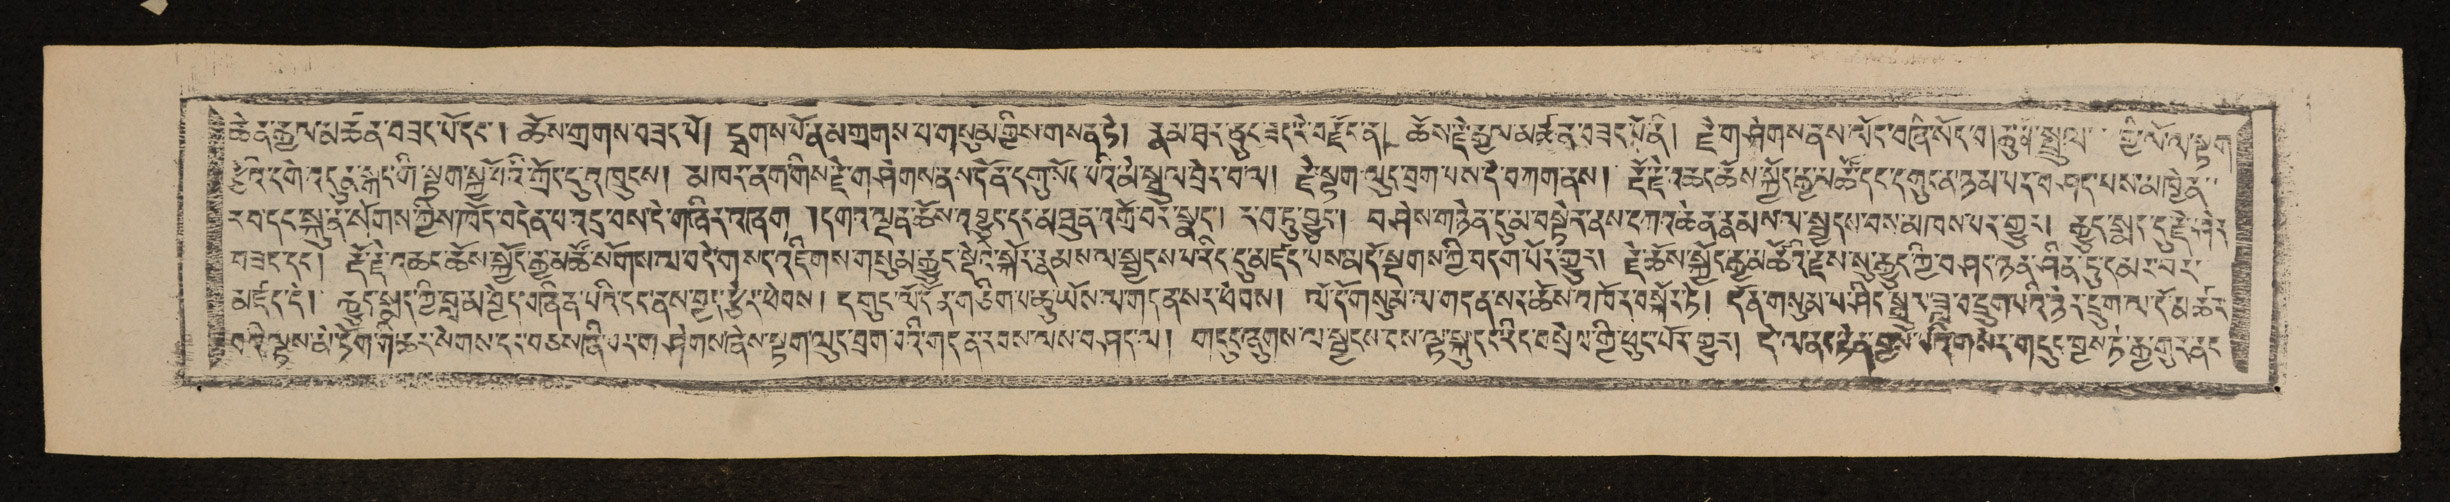ཆེན་རྒྱལ་མཚན་བཟང་པོ་དང་། ཆོས་གྲགས་བཟང་པོ། དྭགས་པོ་ནམ་གྲགས་པ་གསུམ་གྱིས་གསན་ཏེ། རྣམ་ཐར་ཅུང་ཟད་རེ་བརྗོད་ན། ཆོས་རྗེ་རྒྱལ་མཚན་བཟང་བོ་ནི། རྗེ་གཤེགས་ནས་ལོང་བཞི་སོང་བ། ཆུ་མོ་སྤྲུལ་གྱི་ལོ་ལ་སྟག་
རྩེའི་དགེ་འདུན་སྒང་གི་སྟག་སྐྱ་བོའི་གྲོང་དུ་འཁྲུངས། མཁར་ནག་གིས་རྗེ་གཤེགས་ནས་དོན་དགུ་སོང་བའི་མེ་སྤྲུལ་ཟེར་བ་ལ། རྗེ་སྟག་ལུང་བྲག་པས་དེ་བཀག་ནས། རྡོ་རྗེ་འཆང་ཆོས་སྐྱོང་རྒྱ་མཚོ་དང་དགུང་མཉམ་པར་བཤད་པས་མཁྱེན་
རབ་དང་སྐུ་ན་སོགས་ཀྱིས་ཁོང་བདེན་པ་འདྲ་བས་དེ་གཞིར་བཞག །དགའ་ལྡན་ཆོས་འབྱུང་དང་མཐུན་འགྲོ་བར་སྣང་། རབ་ཏུ་བྱུང་། བཤེས་གཉེན་དུ་མ་བསྟེན་ནས་དཀའ་ཆེན་རྣམས་ལ་སྦྱངས་བས་མཁས་པར་གྱུར། རྒྱུད་སྨད་དུ་རྗེ་ཤེར་
བཟང་དང་། རྡོ་རྗེ་འཆང་ཆོས་སྐྱོང་རྒྱ་མཚོ་སོགས་ལ་བདེ་གསང་འཇིགས་གསུམ་རྒྱུད་སྡེའི་སྐོར་རྣམས་ལ་སྦྱངས་པ་རིང་དུ་མཛད་པས་མདོ་སྔགས་ཀྱི་བདག་པོར་གྱུར། རྗེ་ཆོས་སྐྱོང་རྒྱ་མཚོའི་རྗེས་སུ་རྒྱུད་ཀྱི་བཤད་ཉན་ཤིན་ཏུ་དམར་པར་
མཛད་དེ། རྒྱུད་སྨད་ཀྱི་བླ་མ་བྱེད་བཞིན་པའི་ངང་ནས་བྱང་རྩེར་ཕེབས། དགུང་ལོ་དོན་གཅིག་པ་ཆུ་ཡོས་ལ་གདན་སར་ཕེབས། ལོ་ངོ་གསུམ་ལ་གདན་སར་ཆོས་འཁོར་བསྐོར་ཏེ། དོན་གསུམ་པ་ཤིང་སྤྲུལ་ཟླ་བ་དྲུག་པའི་ཉེར་དྲུག་ལ་ངོ་མཚར་
བའི་ལྟས་མེ་ཏོག་གི་ཆར་སོགས་དང་བཅས་ཞི་བར་གཤེགས་ཞེས་སྟག་ལུང་བྲག་པའི་གདན་རབས་ལས་བཤད་ལ། གདུད་ཞུགས་ལ་སྦྱངས་པས་ལྷ་སྐུ་དང་རིང་བསྲེལ་གྱི་ཕུང་པོར་གྱུར། དེ་ལ་ནང་རྟེན་བྱས་པའི་གསེར་གདུང་བྱས་ཏེ་རྒྱ་གུར་ནང་